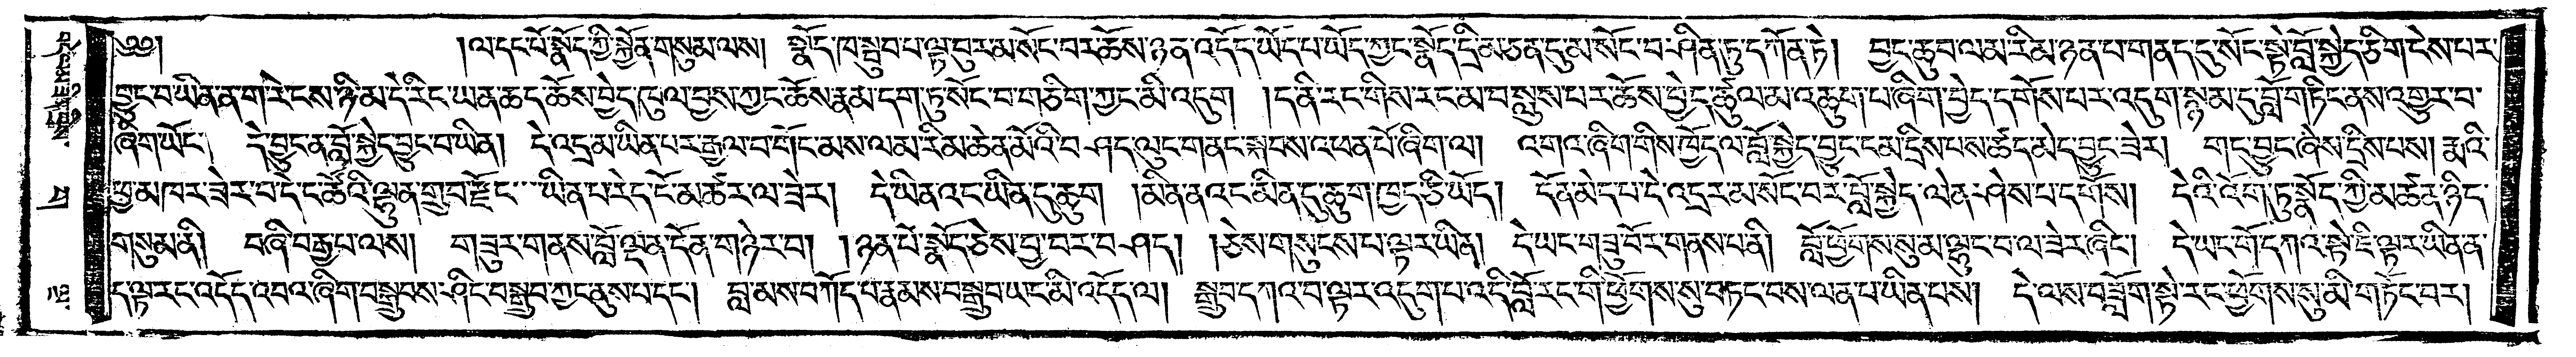༄༅། །ལ་དང་པོ་སྣོད་ཀྱི་སྐྱོན་གསུམ་ལས། སྣོད་ཁ་སྦུབ་པ་ལྟ་བུར་མ་སོང་བར་ཆོས་ཉན་འདོད་ཡོང་པ་ཡོད་ཀྱང་སྣོད་དྲི་མ་ཅན་དུ་མ་སོང་བ་ཤིན་ཏུ་དཀོན་ཏེ། བྱང་ཆུབ་ལམ་རིམ་ཉན་པ་གནད་དུ་སོང་སྟེ་བློ་སྐྱེད་ཅིག་ངེས་པར་
བྱུང་བ་ཡིན་ན་ག་རེངས་ཉི་མ་དེ་རིང་ཡན་ཆད་ཆོས་བྱེད་ཁུལ་བྱས་ཀྱང་ཆོས་རྣམ་དག་ཏུ་སོང་བ་གཅིག་ཀྱང་མི་འདུག །ད་ནི་རང་གིས་རང་མ་བསླུས་པར་ཆོས་བྱེད་ཚུལ་མ་འཆུག་པ་ཞིག་བྱེད་དགོས་པར་འདུག་སྙམ་དུ་བློ་གཏིང་ནས་འགྱུར་བ་
ཞིག་ཡོང་། དེ་བྱུང་ན་བློ་སྐྱེད་བྱུང་བ་ཡིན། དེ་འདྲ་མ་ཡིན་པར་རྒྱལ་བ་གོང་མས་ལམ་རིམ་ཆེན་མོའི་བཤད་ལུང་གནང་སྐབས་འཕན་པོ་ཞིག་ལ། འགའ་ཞིག་གིས་ཁྱོད་ལ་བློ་སྐྱེད་བྱུང་དམ་དྲིས་པས་ཚད་མེད་བྱུང་ཟེར། གང་བྱུང་ཞེས་དྲིས་པས། རྨའི་
ཕྱ་མཁར་ཟེར་བ་དེ་ང་ཚོའི་ལྷུན་གྲུབ་རྫོང་ཡིན་པ་རེད་ངོ་མཚར་ལ་ཟེར། དེ་ཡིན་འང་ཡིན་དུ་ཆུག །མིན་ནའང་མིན་དུ་ཆུག་ཁྱད་ཅི་ཡོད། དོན་མེད་པ་དེ་འདྲར་མ་སོང་བར་བློ་སྐྱེད་ལེན་ཤེས་པ་དགོས། དེའི་འོག་ཏུ་སྣོད་ཀྱི་མཚན་ཉིད་
གསུམ་ནི། བཞི་བརྒྱ་པ་ལས། གཟུར་གནས་བློ་ལྡན་དོན་གཉེར་བ། །ཉན་པོ་སྣོད་ཅེས་བྱ་བར་བཤད། །ཅེས་གསུངས་པ་ལྟར་ཡིན། དེ་ཡང་གཟུ་བོར་གནས་པ་ནི། བློ་ཕྱོགས་སུ་མ་ལྷུང་བ་ལ་ཟེར་ཞིང་། དེ་ཡང་གོ་དཀའ་སྟེ་ཇི་ལྟར་ཡིན་ན་
ད་ལྟ་རང་འདོད་འབའ་ཞིག་བསྒྲུབས་ཤིང་བསྒྲུབ་ཀྱང་ནུས་པ་དང་། བླ་མས་བཀོད་པ་རྣམས་བསྒྲུབ་ཡང་མི་འདོད་ལ། སྒྲུབ་དཀའ་བ་ལྟར་འདུག་པ་འདི་བློ་རང་གི་ཕྱོགས་སུ་བཏང་བས་ལན་པ་ཡིན་པས། དེ་ལས་བཟློག་སྟེ་རང་ཕྱོགས་སུ་མི་གཏོང་བར།